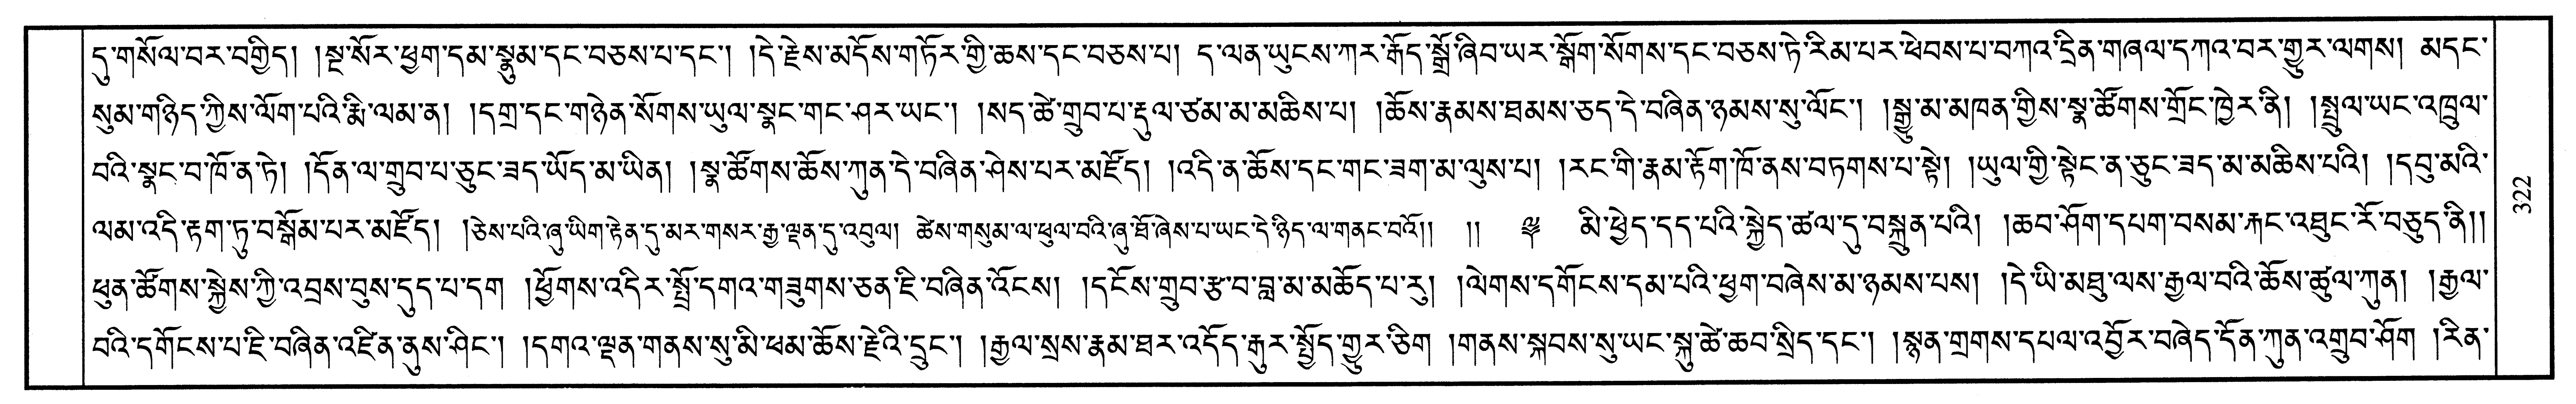དུ་གསོལ་བར་བགྱིད། །སྔ་སོར་ཕྱག་དམ་སྣུམ་དང་བཅས་པ་དང་། །དེ་རྗེས་མདོས་གཏོར་གྱི་ཆས་དང་བཅས་པ། ད་ལན་ཡུངས་ཀར་རྒོད་སྒྲོ་ཞིབ་ཡར་སྒོག་སོགས་དང་བཅས་ཏེ་རིམ་པར་ཕེབས་པ་བཀའ་དྲིན་གཞལ་དཀའ་བར་གྱུར་ལགས། མདང་
སུམ་གཉིད་ཀྱིས་ལོག་པའི་རྨི་ལམ་ན། །དགྲ་དང་གཉེན་སོགས་ཡུལ་སྣང་གང་ཤར་ཡང་། །སད་ཚེ་གྲུབ་པ་རྡུལ་ཙམ་མ་མཆིས་པ། །ཆོས་རྣམས་ཐམས་ཅད་དེ་བཞིན་ཉམས་སུ་ལོང་། །སྒྱུ་མ་མཁན་གྱིས་སྣ་ཚོགས་གྲོང་ཁྱེར་ནི། །སྤྲུལ་ཡང་འཁྲུལ་
བའི་སྣང་བ་ཁོ་ན་ཏེ། །དོན་ལ་གྲུབ་པ་ཅུང་ཟད་ཡོད་མ་ཡིན། །སྣ་ཚོགས་ཆོས་ཀུན་དེ་བཞིན་ཤེས་པར་མཛོད། །འདི་ན་ཆོས་དང་གང་ཟག་མ་ལུས་པ། །རང་གི་རྣམ་རྟོག་ཁོ་ནས་བཏགས་པ་སྟེ། །ཡུལ་གྱི་སྟེང་ན་ཅུང་ཟད་མ་མཆིས་པའི། །དབུ་མའི་
ལམ་འདི་རྟག་ཏུ་བསྒོམ་པར་མཛོད། །ཅེས་པའི་ཞུ་ཡིག་རྟེན་དུ་མར་གསར་རྒྱ་ལྡན་དུ་འབུལ། ཚེས་གསུམ་ལ་ཕུལ་བའི་ཞུ་ཐོ་ཞེས་པ་ཡང་དེ་ཉིད་ལ་གནང་བའོ།། །། ༈ མི་ཕྱེད་དད་པའི་སྐྱེད་ཚལ་དུ་བསྐྲུན་པའི། །ཆབ་ཤོག་དཔག་བསམ་རྐང་འཐུང་རོ་བཅུད་ནི།།
ཕུན་ཚོགས་སྐྱེས་ཀྱི་འབྲས་བུས་དུད་པ་དག །ཕྱོགས་འདིར་སྤྲོ་དགའ་གཟུགས་ཅན་ཇི་བཞིན་འོངས། །དངོས་གྲུབ་རྩ་བ་བླ་མ་མཆོད་པ་རུ། །ལེགས་དགོངས་དམ་པའི་ཕྱག་བཞེས་མ་ཉམས་པས། །དེ་ཡི་མཐུ་ལས་རྒྱལ་བའི་ཆོས་ཚུལ་ཀུན། །རྒྱལ་
བའི་དགོངས་པ་ཇི་བཞིན་འཛིན་ནུས་ཤིང་། །དགའ་ལྡན་གནས་སུ་མི་ཕམ་ཆོས་རྗེའི་དྲུང་། །རྒྱལ་སྲས་རྣམ་ཐར་འདོད་རྒུར་སྤྱོད་གྱུར་ཅིག །གནས་སྐབས་སུ་ཡང་སྐུ་ཚེ་ཆབ་སྲིད་དང་། །སྙན་གྲགས་དཔལ་འབྱོར་བཞེད་དོན་ཀུན་འགྲུབ་ཤོག །རིན་